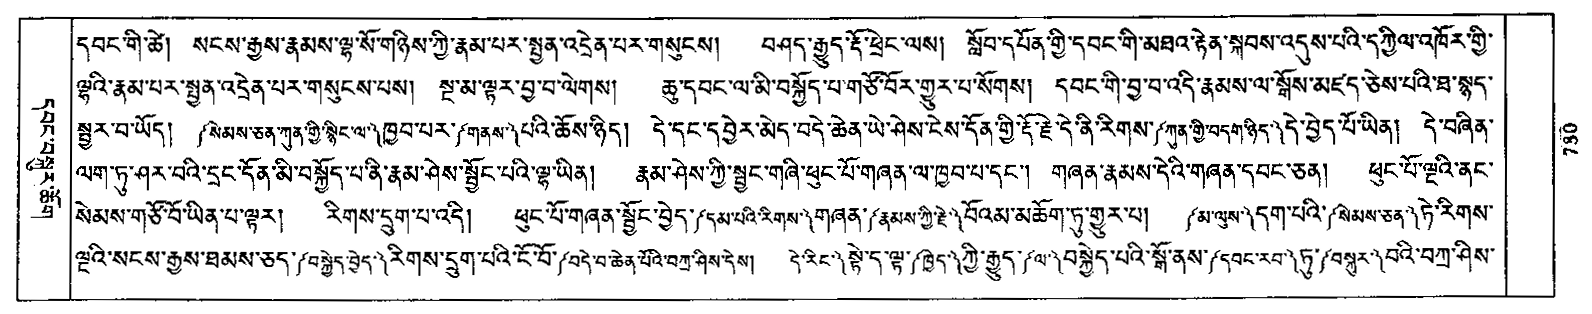དབང་གི་ཚེ། སངས་རྒྱས་རྣམས་ལྷ་སོ་གཉིས་ཀྱི་རྣམ་པར་སྤྱན་འདྲེན་པར་གསུངས། བཤད་རྒྱུད་རྡོ་ཕྲེང་ལས། སློབ་དཔོན་གྱི་དབང་གི་མཐའ་རྟེན་སྐབས་འདུས་པའི་དཀྱིལ་འཁོར་གྱི་
ལྷའི་རྣམ་པར་སྤྱན་འདྲེན་པར་གསུངས་པས། སྔ་མ་ལྟར་བྱ་བ་ལེགས། ཆུ་དབང་ལ་མི་བསྐྱོད་པ་གཙོ་བོར་གྱུར་པ་སོགས། དབང་གི་བྱ་བ་འདི་རྣམས་ལ་སྒོས་མཛད་ཅེས་པའི་ཐ་སྙད་
སྦྱར་བ་ཡོད། ༼སེམས་ཅན་ཀུན་གྱི་སྙིང་ལ྄་ཁྱབ་པར་༽གནས྄་པའི་ཆོས་ཉིད། དེ་དང་དབྱེར་མེད་བདེ་ཆེན་ཡེ་ཤེས་ངེས་དོན་གྱི་རྡོ་རྗེ་དེ་ནི་རིགས་ཀུན་གྱི་བདག་ཉིད྄་དེ་བྱེད་པོ་ཡིན། དེ་བཞིན་
ལག་ཏུ་ཤར་བའི་དྲང་དོན་མི་བསྐྱོད་པ་ནི་རྣམ་ཤེས་སྦྱོང་པའི་ལྷ་ཡིན། རྣམ་ཤེས་ཀྱི་སྦྱང་གཞི་ཕུང་པོ་གཞན་ལ་ཁྱབ་པ་དང་། གཞན་རྣམས་དེའི་གཞན་དབང་ཅན། ཕུང་པོ་ལྔའི་ནང་
སེམས་གཙོ་བོ་ཡིན་པ་ལྟར། རིགས་དྲུག་པ་འདི། ཕུང་པོ་གཞན་སྦྱོང་བྱེད ༼དམ་པའི་རིགས྄་གཞན་༽རྣམས་ཀྱི་རྗ྄ེ་བོའམ་མཆོག་ཏུ་གྱུར་པ། ༼མ་ལུས྄་དག་པའི་༽སེམས་ཅན྄་ཏེ་རིགས་
ལྔའི་སངས་རྒྱས་ཐམས་ཅད ༼བསྐྱེད་བྱེད྄་རིགས་དྲུག་པའི་ངོ་བོ་༽བདེ་བ་ཆེན་པོའི་བཀྲ་ཤིས་དེས། དེ་རིང྄་སྟེ་ད་ལྟ ༼ཁྱེད྄་ཀྱི་རྒྱུད་༽ལ྄་བསྐྱེད་པའི་སྒོ་ནས ༼དབང་རབ྄་ཏུ་༽བསྐུར྄་བའི་བཀྲ་ཤིས་